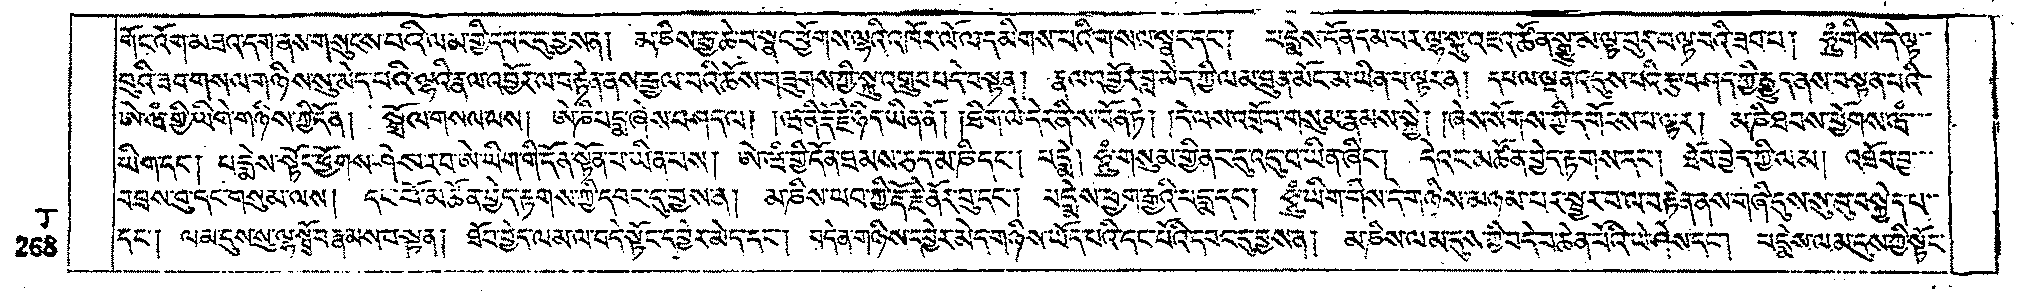གོང་འོག་མཐའ་དག་ནས་གསུངས་པའི་ལམ་གྱི་དབང་དུ་བྱས་ན། མ་ཎིས་རྒྱ་ཆེ་བ་སྣང་ཕྱོགས་ལྷའི་འཁོར་ལོ་ལ་དམིགས་པའི་གསལ་སྣང་དང་། པདམེས་དོན་དམ་པར་ལྷ་སྐུ་འཇའ་ཚོན་སྒྱུ་མ་ལྟ་བུར་བལྟ་བའི་ཟབ་པ། ཧཱུཾ་གིས་དེ་ལྟ་་་
བུའི་ཟབ་གསལ་གཉིས་སུ་མེད་པའི་ལྷའི་རྣལ་འབྱོར་ལ་བརྟེན་ནས་རྒྱལ་བའི་ཆོས་གཟུགས་ཀྱི་སྐུ་འགྲུབ་པ་དེ་བསྟན། རྣལ་འབྱོར་བླ་མེད་ཀྱི་ལམ་ཐུན་མོང་མ་ཡིན་པ་ལྟར་ན། དཔལ་ལྡན་འདུས་པའི་རྩ་བཤད་ཀྱི་རྒྱུད་ནས་བསྟན་པའི་་་
ཨེ་ཝཾ་གྱི་ཡི་གེ་གཉིས་ཀྱི་དོན། སྒྲོལ་གསལ་ལས། ཨེ་ཎི་པདམ་ཞེས་བཤད་ལ། །ཝ་ནི་རྡོ་རྗེ་ཉིད་ཡིན་ནོ། །ཐིག་ལེ་དེར་ནི་ས་བོན་ཏེ། །དེ་ལས་འགྲོ་བ་གསུམ་རྣམས་སྐྱེ། །ཞེས་སོགས་ཀྱི་དགོངས་པ་ལྟར། མ་ཎི་ཐབས་ཕྱོགས་ཝཾ་་་
ཡིག་དང་། པདམེས་སྟོང་ཕྱོགས་ཤེས་རབ་ཨེ་ཡིག་གི་དོན་སྟོན་པ་ཡིན་པས། ཨེ་ཝཾ་གྱི་དོན་ཐམས་ཅད་མ་ཎི་དང་། པདམེ། ཧཱུཾ་གསུམ་གྱི་ནང་དུ་འདུ་བ་ཡིན་ཞིང་། དེའང་མཚོན་བྱེད་རྟགས་དང་། ཐོབ་བྱེད་ཀྱི་ལམ། འཐོབ་བྱ་་་
འབྲས་བུ་དང་གསུམ་ལས། དང་བོ་མཚོན་བྱེད་རྟགས་ཀྱི་དབང་དུ་བྱས་ན། མ་ཎིས་ཡབ་ཀྱི་རྡོ་རྗེ་ནོར་བུ་དང་། པདམེས་ཕྱག་རྒྱའི་པདམ་དང་། ཧཱུཾ་ཡིག་གིས་དེ་གཉིས་མཉམ་པར་སྦྱར་བ་ལ་བརྟེན་ནས་གཞི་དུས་སུ་བུ་བསྐྱེད་པ་་་
དང་། ལམ་དུས་སུ་ལྷ་སྦྲོ་བ་རྣམས་བསྟན། ཐོབ་བྱེད་ལམ་ལ་བདེ་སྟོང་དབྱེར་མེད་དང་། བདེན་གཉིས་དབྱེར་མེད་གཉིས་ཡོད་པའི་དང་པོའི་དབང་དུ་བྱས་ན། མ་ཎིས་ལམ་དུས་ཀྱི་བདེ་བ་ཆེན་པོའི་ཡེ་ཤེས་དང་། པདམེས་ལམ་དུས་ཀྱི་སྟོང་